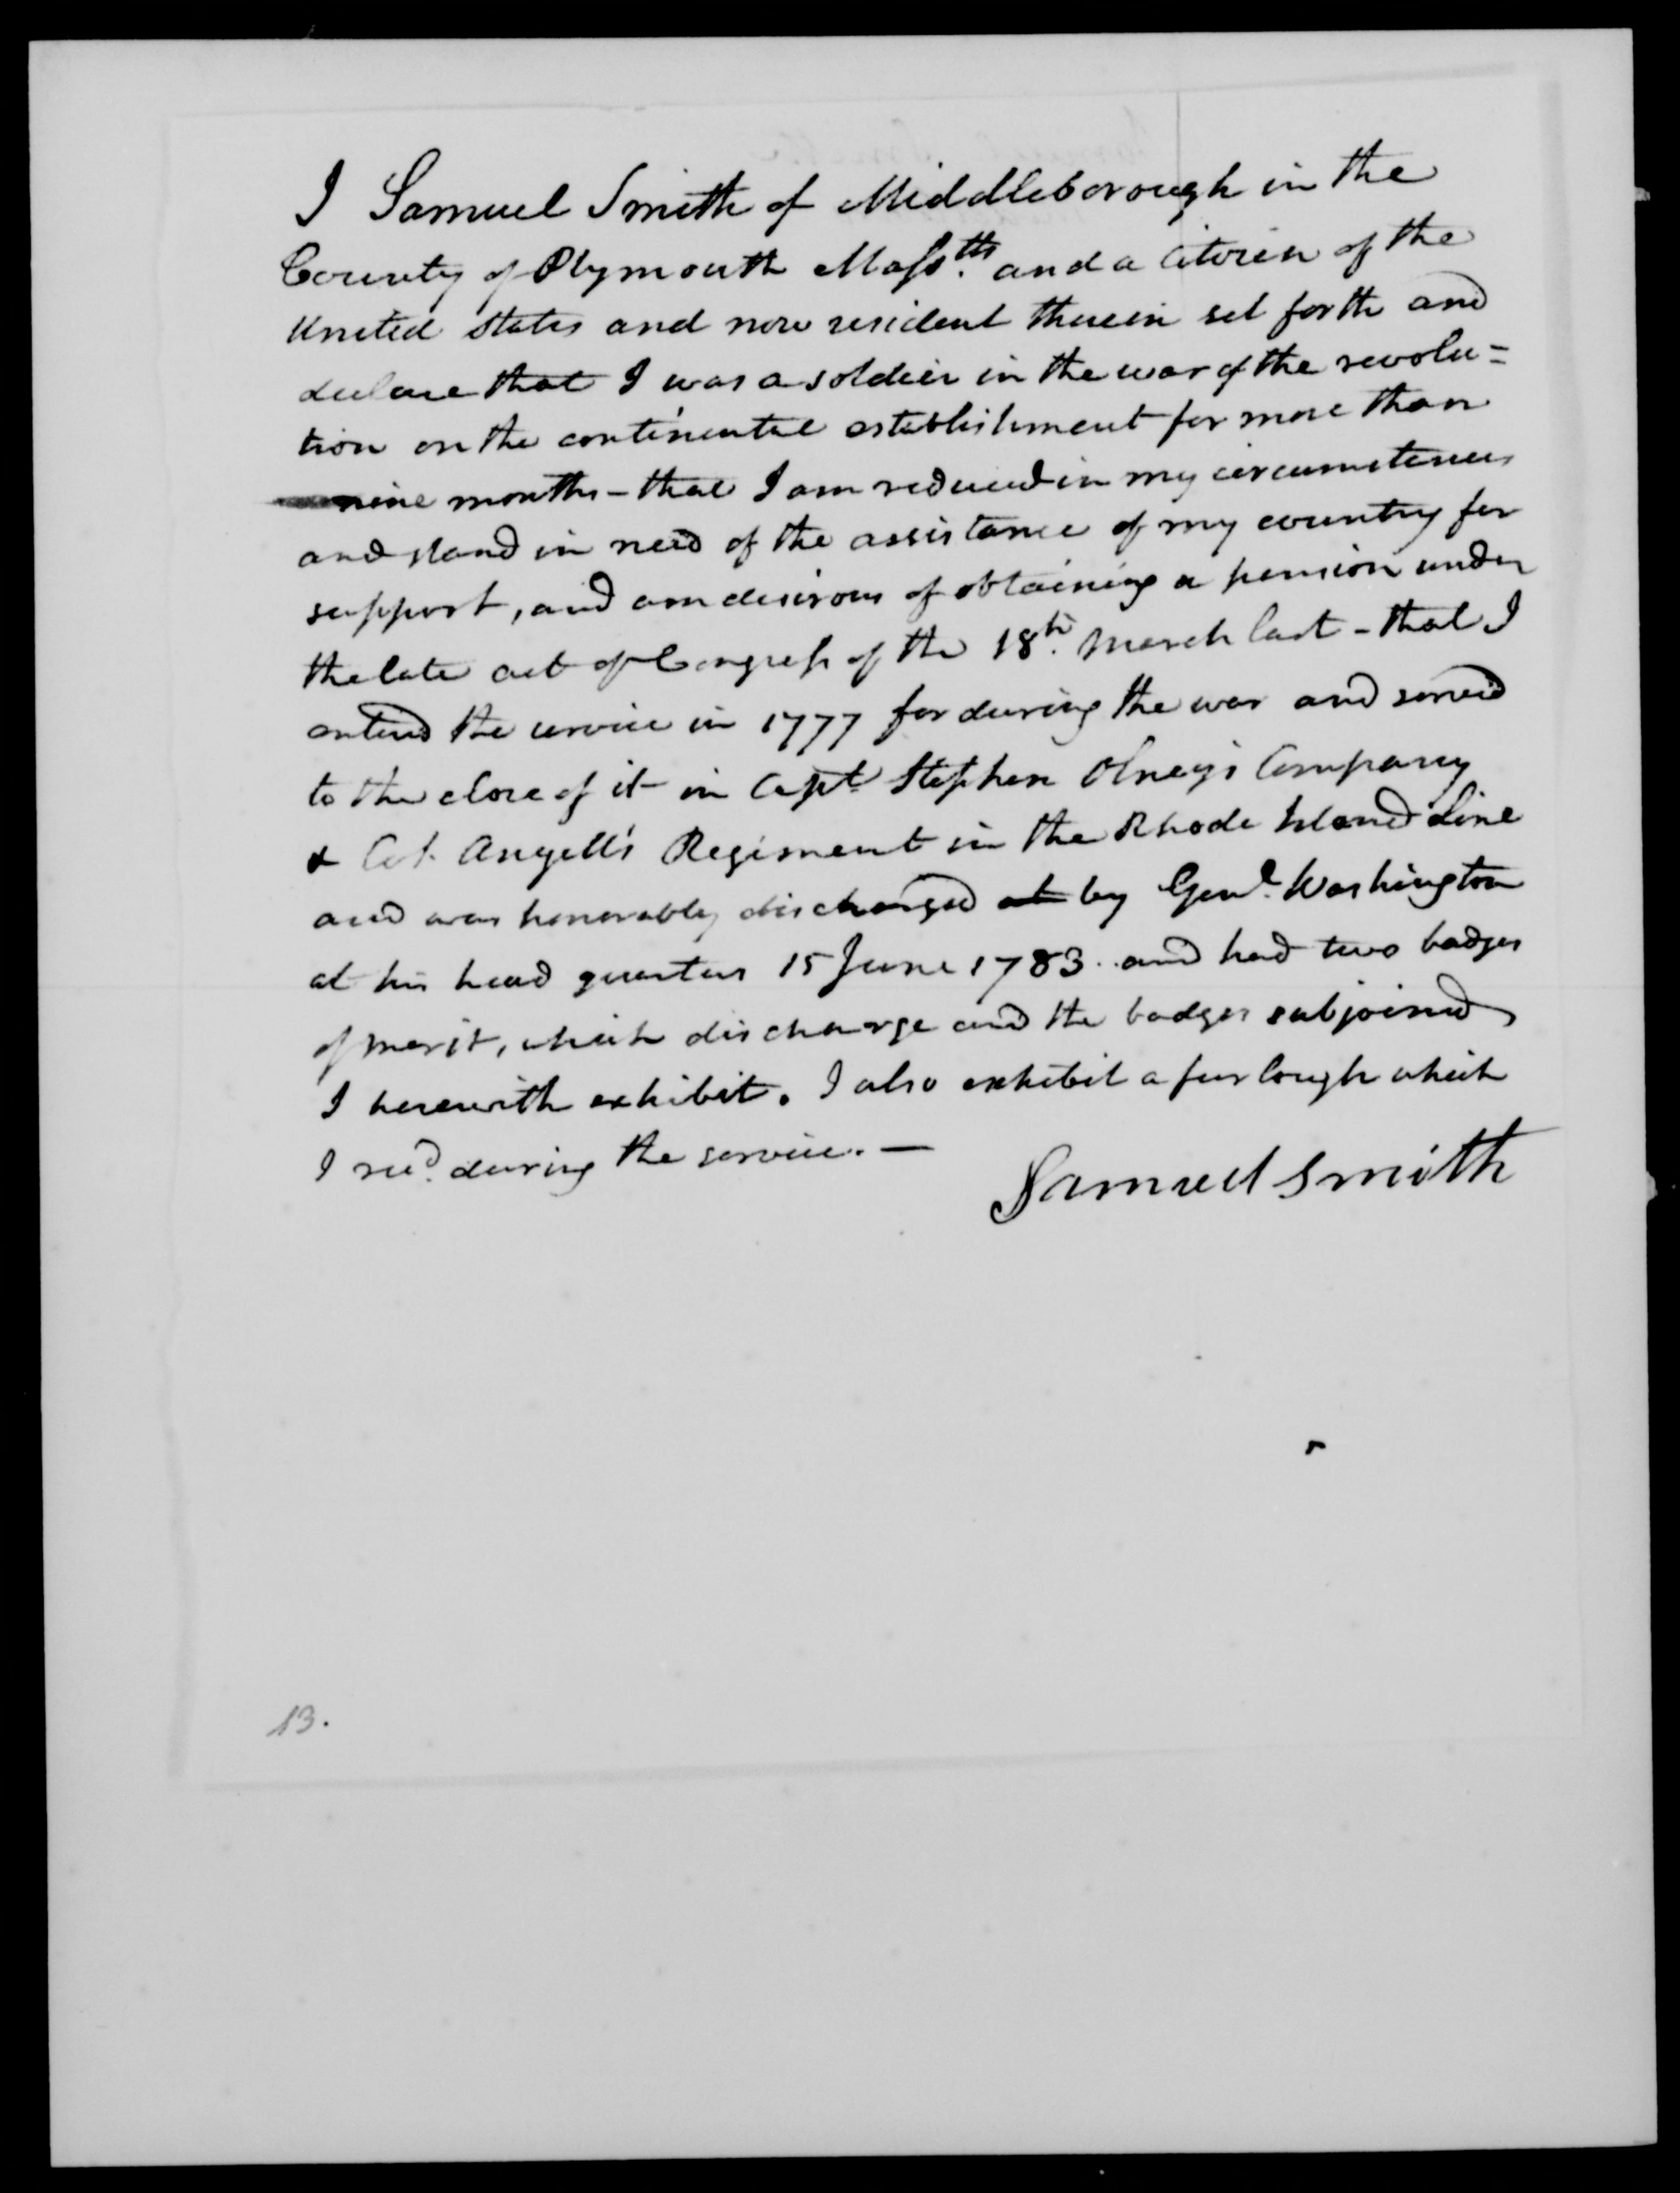I Samuel Smith of Middleborough in the County of Plymouth Mass.tts and a citizen of the United States and now resident therein set forth and declare that I was a soldier in the war of the revolution on the continental establishment for more than nine months-that I am reduced in my circumstances and stand in need of the assistance of my country for support, and am desirous of obtaining a pension under the late act of Congress of the 18th March last-that I entered the service in 1777 for during the war and served to the close of it in Capt. Stephen Olney's Company and Col. Angell's Regiment in the Rhode Island Line and was honorably discharged by Gen. Washington at his head quarters 15 June 1783..and had two badges of merit, which discharge and the badges subjoined, I herewith exhibit.  I also exhibit a furlough which I [illegible] during the service.-
Samuel Smith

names: Samuel Smith; Samuel Smith; [BLANK] Washington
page: 4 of 14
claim: survivor's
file: S. 34,487, for Samuel Smith, Rhode Island